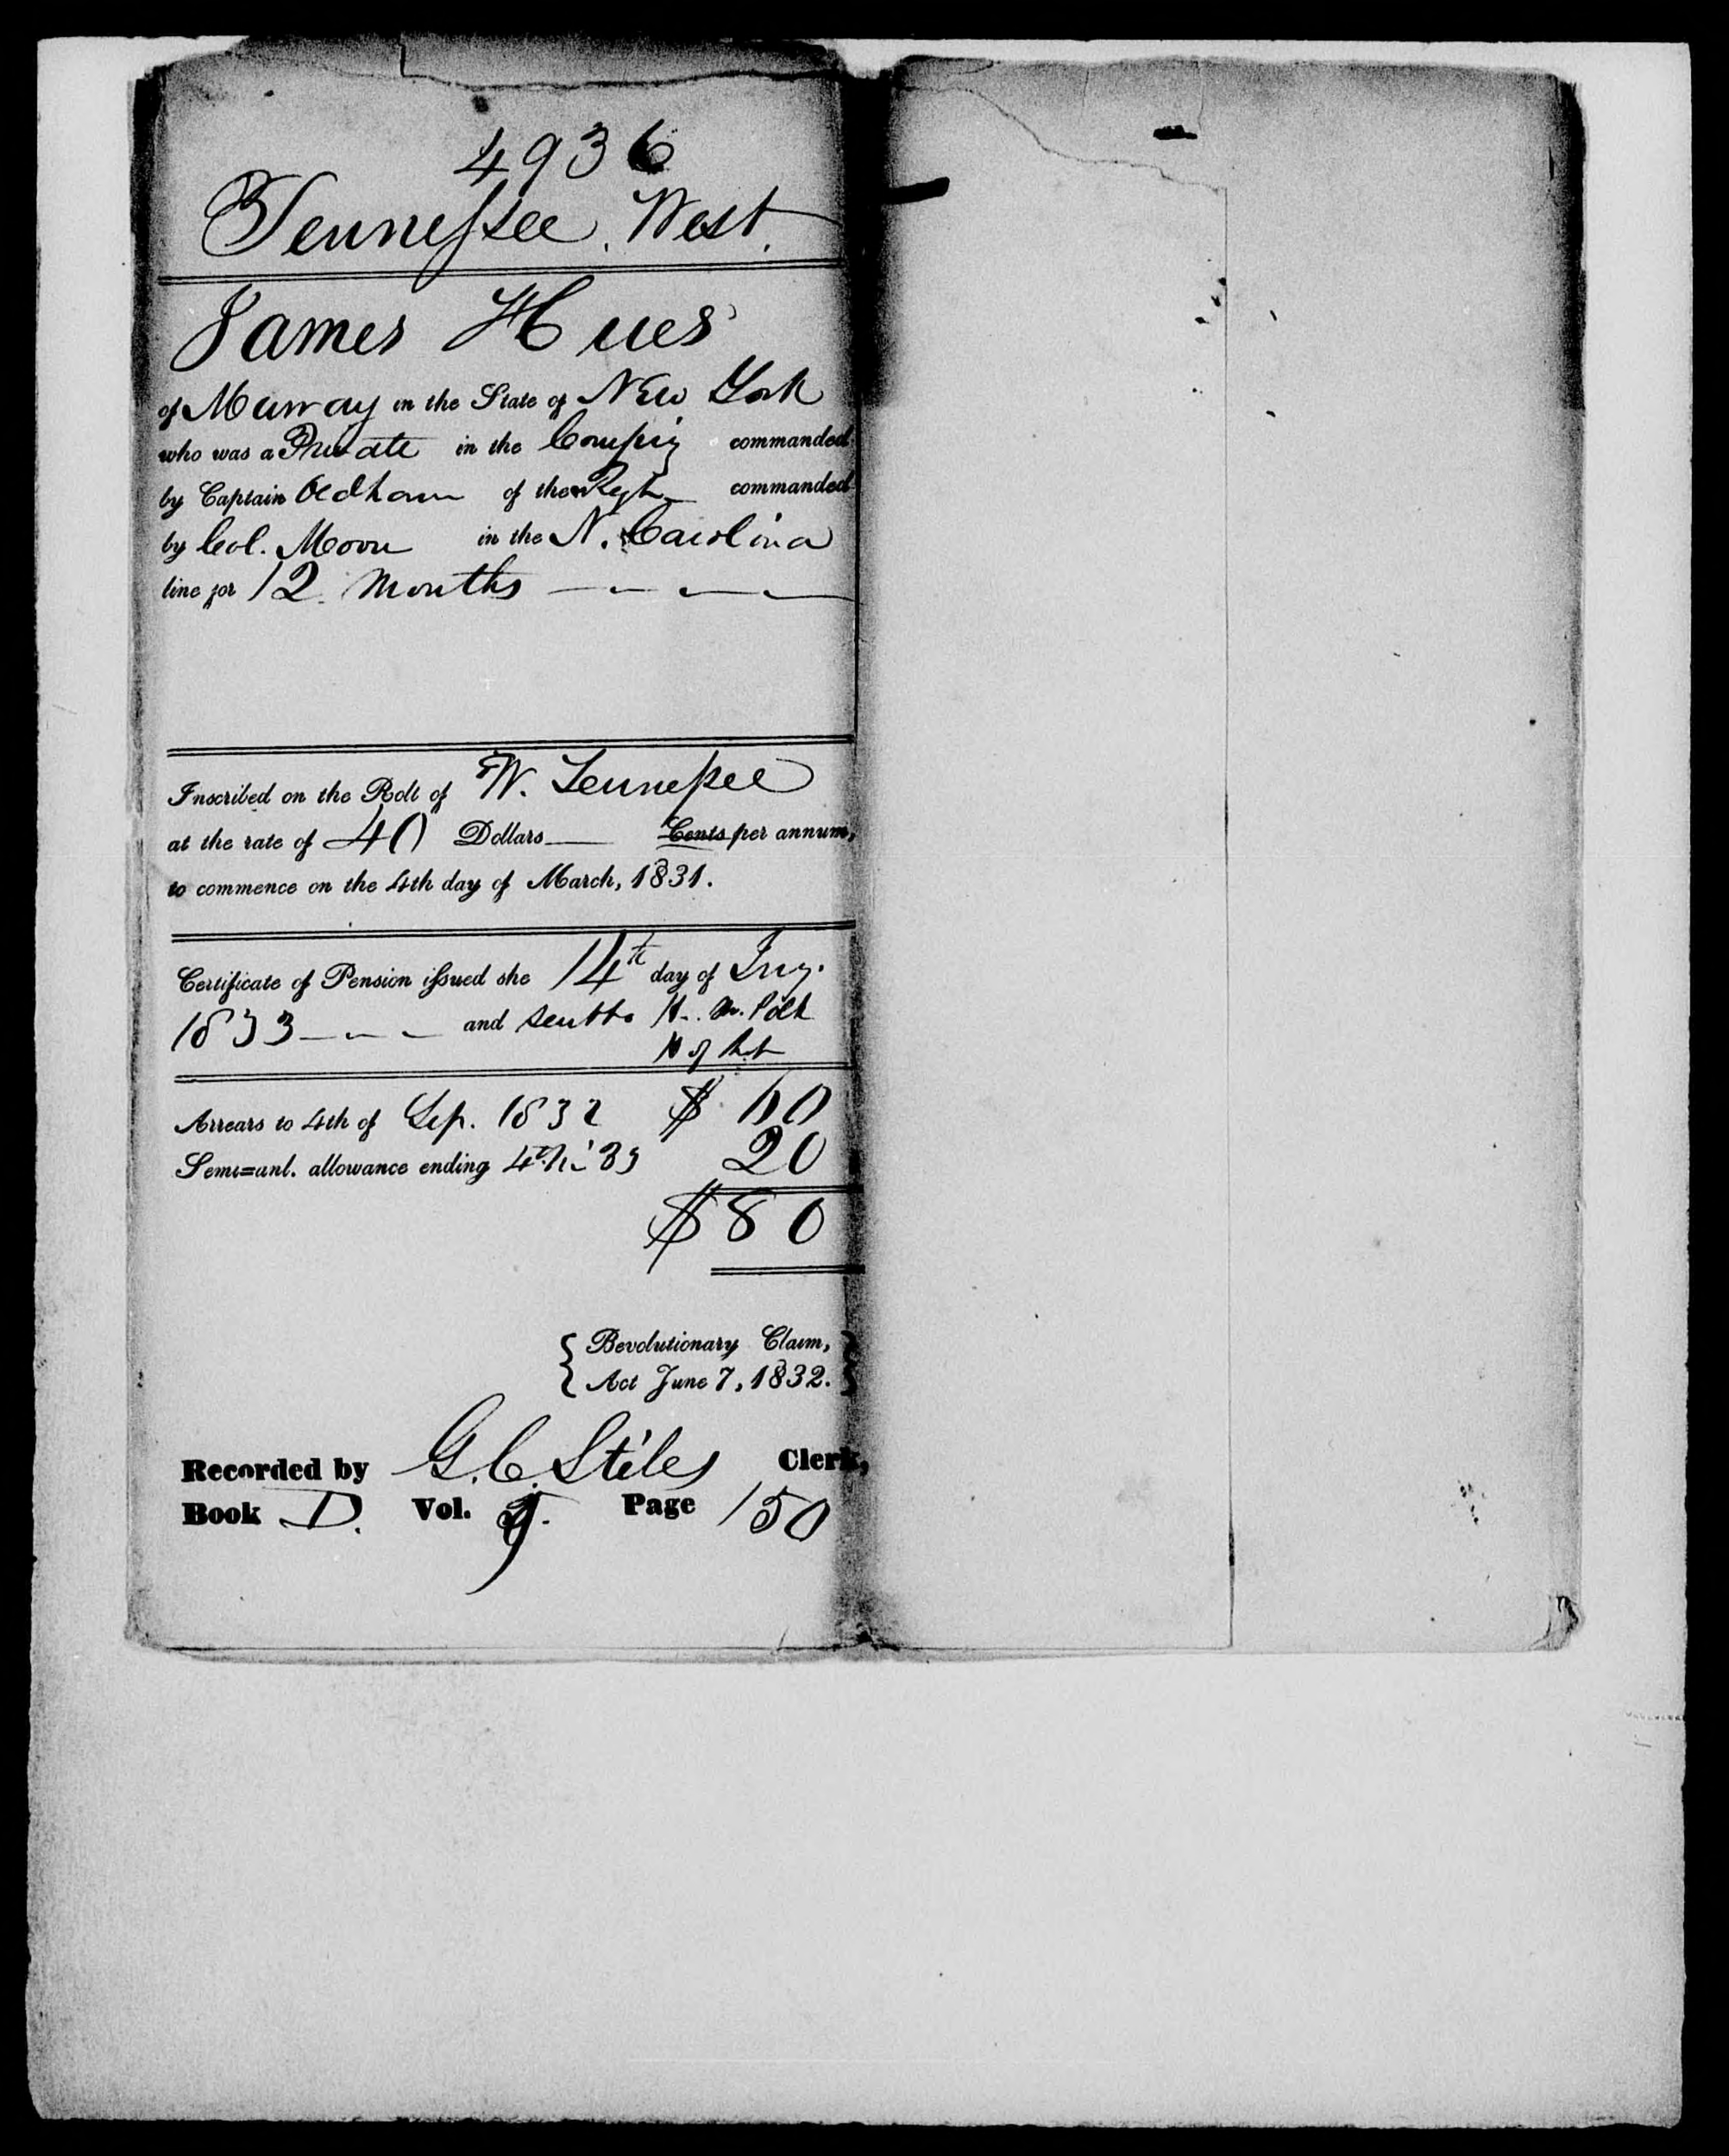4936
Tennessee, West
James Hues
of Murray in the state of New York
was a Private in the Company commanded
by Captain Oldham of the Right commanded
by Col. Moore in the in the N. Carolina
line for 12 months-------------

Inscribed on the Roll of W. Tennessee
at the rate of 40 Dollars _______ Cents per annum
to commence on the 4th day of March, 1831

Certificate of Pension issued the 14th day of Jny.
1833-------and sent to H.A. Polk
                                      H of Polk

Arrears to 4th of Sep. 1832                 $60
Semi=anl. allowance ending 4th  '83  _20__                                                                                              
                                                            $80

{ Revolutionary Claim,}
{ Act June 7, 1832}
Recorded by G. C. Stiles   Clerk
Book D.   Vol.  [illegible]   Page 150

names: H A Polk, James Hues, Oldham, G C Stiles, Moore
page: 2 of 24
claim: rejected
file: R. 5342, James Hues, N.C.